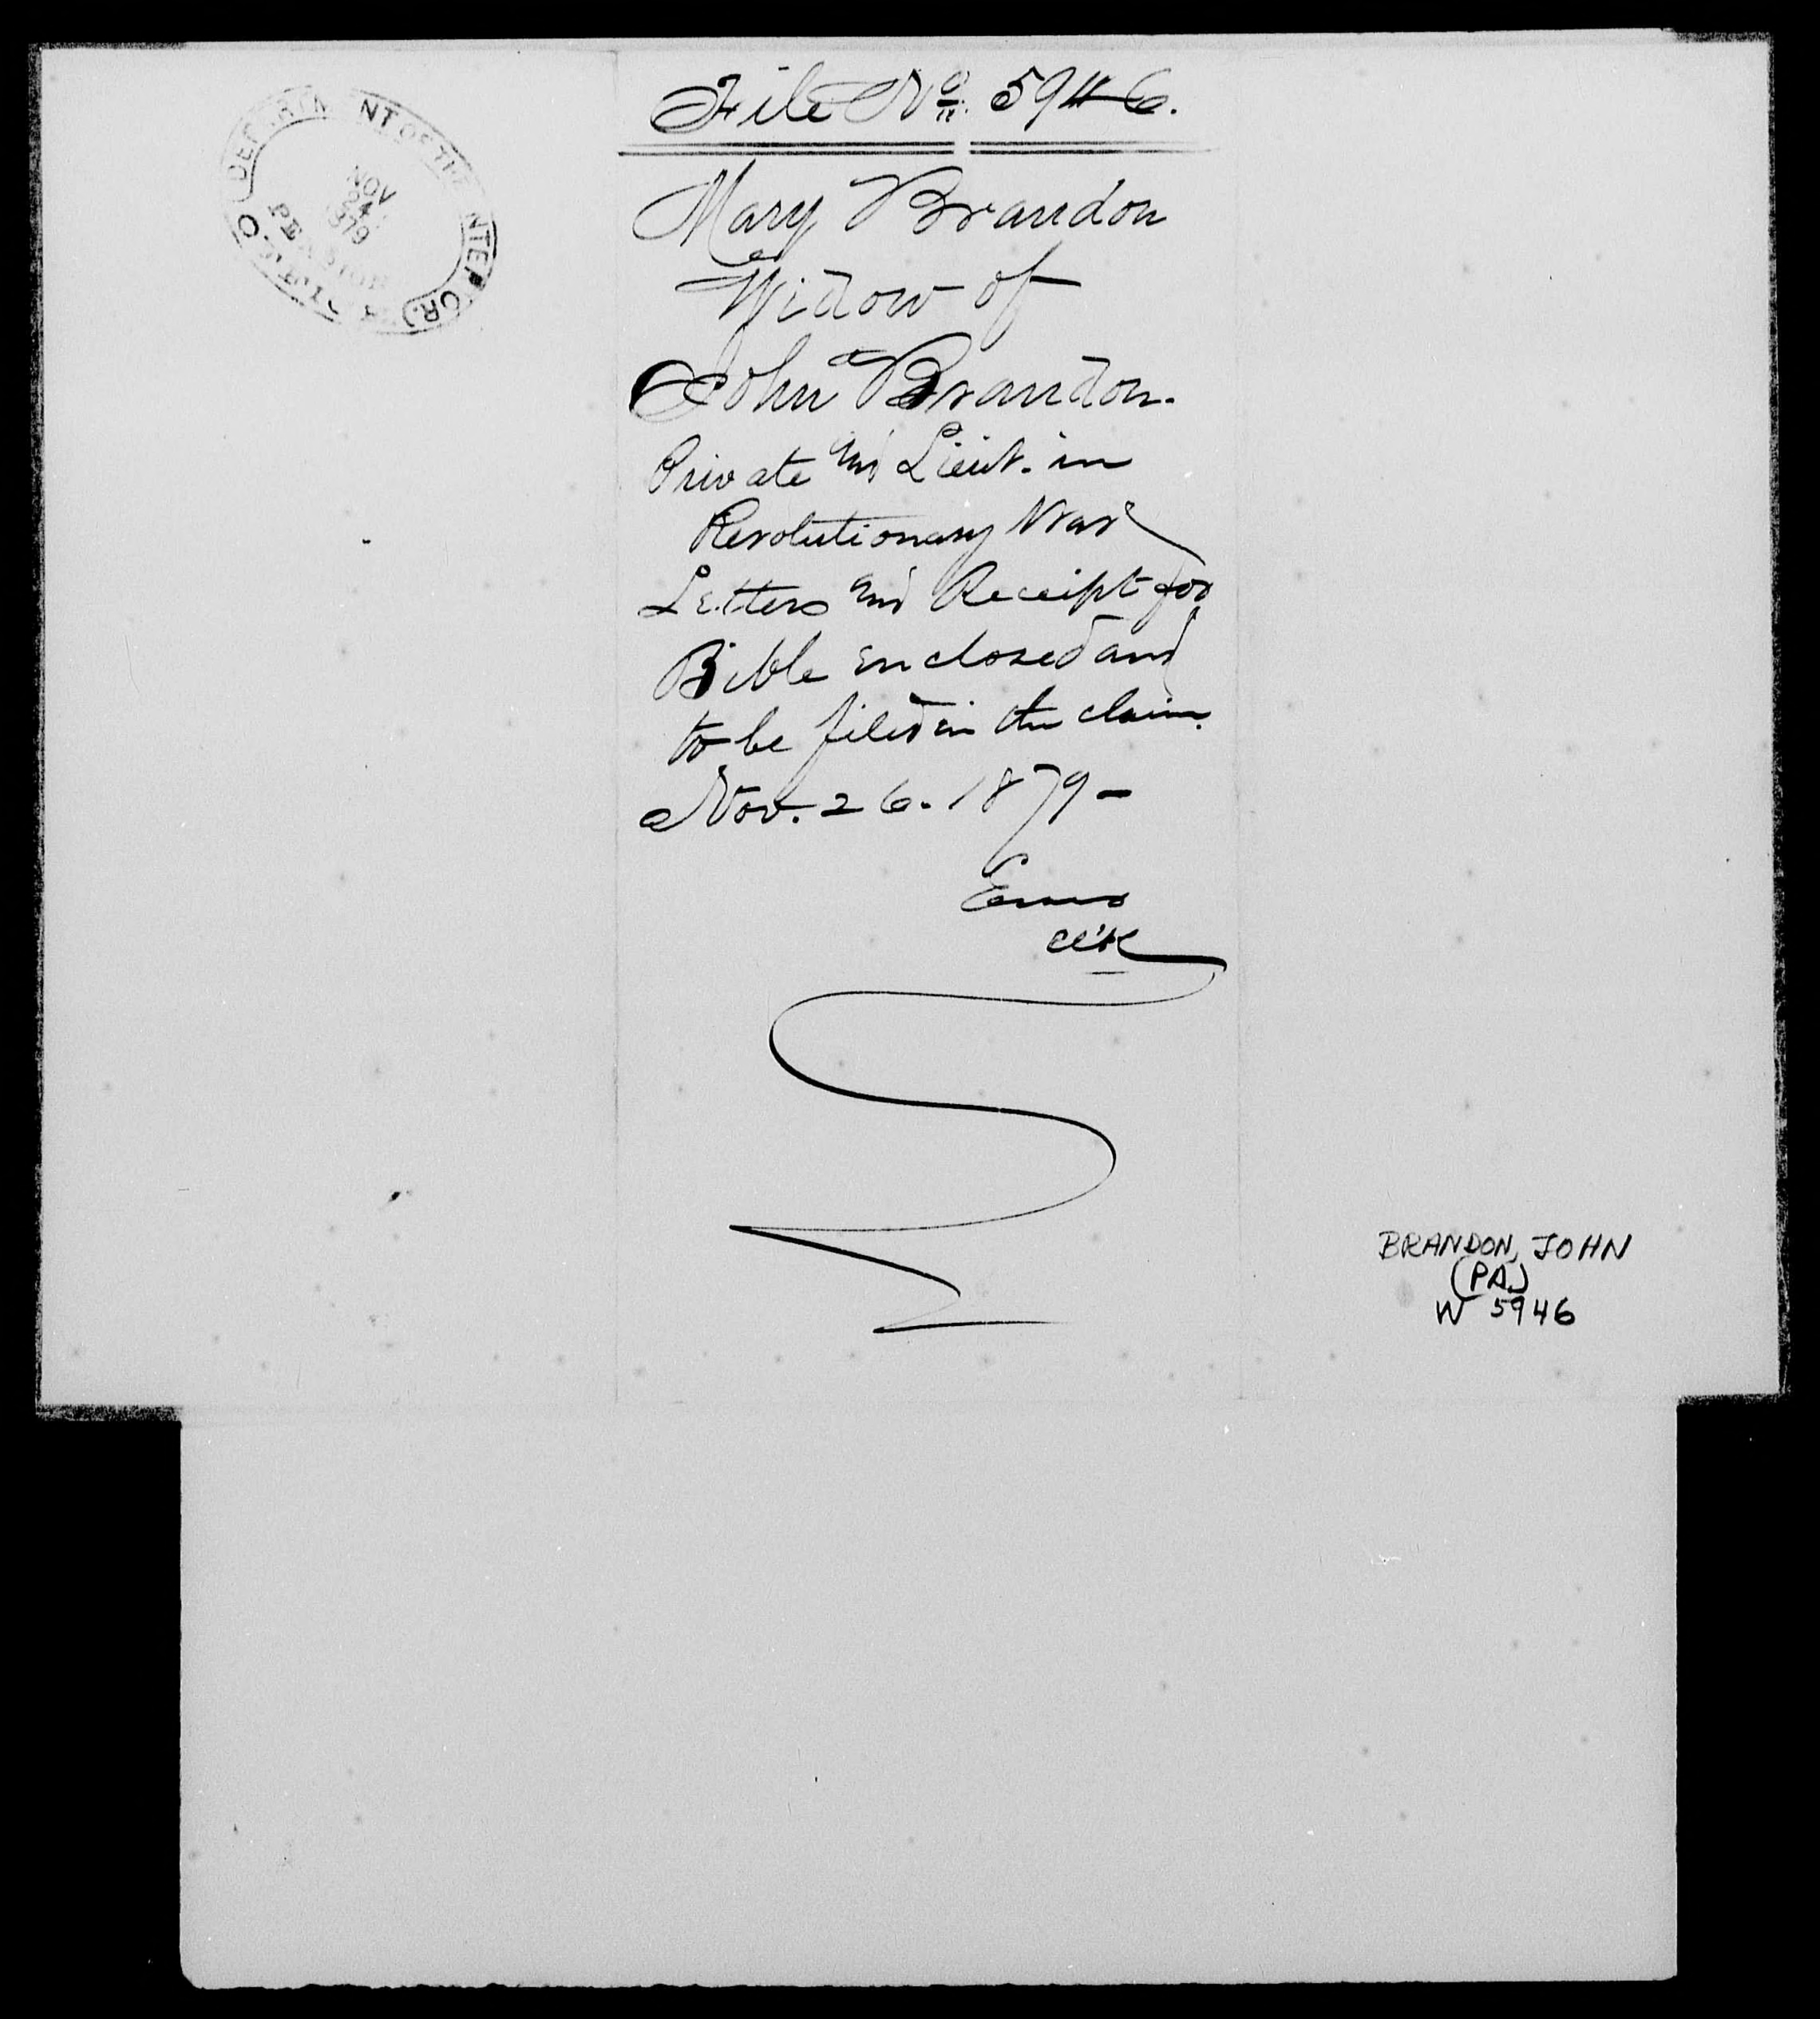[stamp]
DEPARTMENT OF THE INTERIOR.
NOV 24 1879
PENSION OFFICE.

File No. 5946
-
Mary Brandon
Widow of
John Brandon.
Private and Lieut. in Revolutionary war
Letter and Receipt for Bible enclosed and to be filed in the claim
Nov. 26. 1879-
Evans
Clk

BRANDON, JOHN
(PA.)
W 5946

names: John Brandon, John Brandon, Mary Brandon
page: 17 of 83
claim: widow's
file: W. 5946, John Brandon, Penn